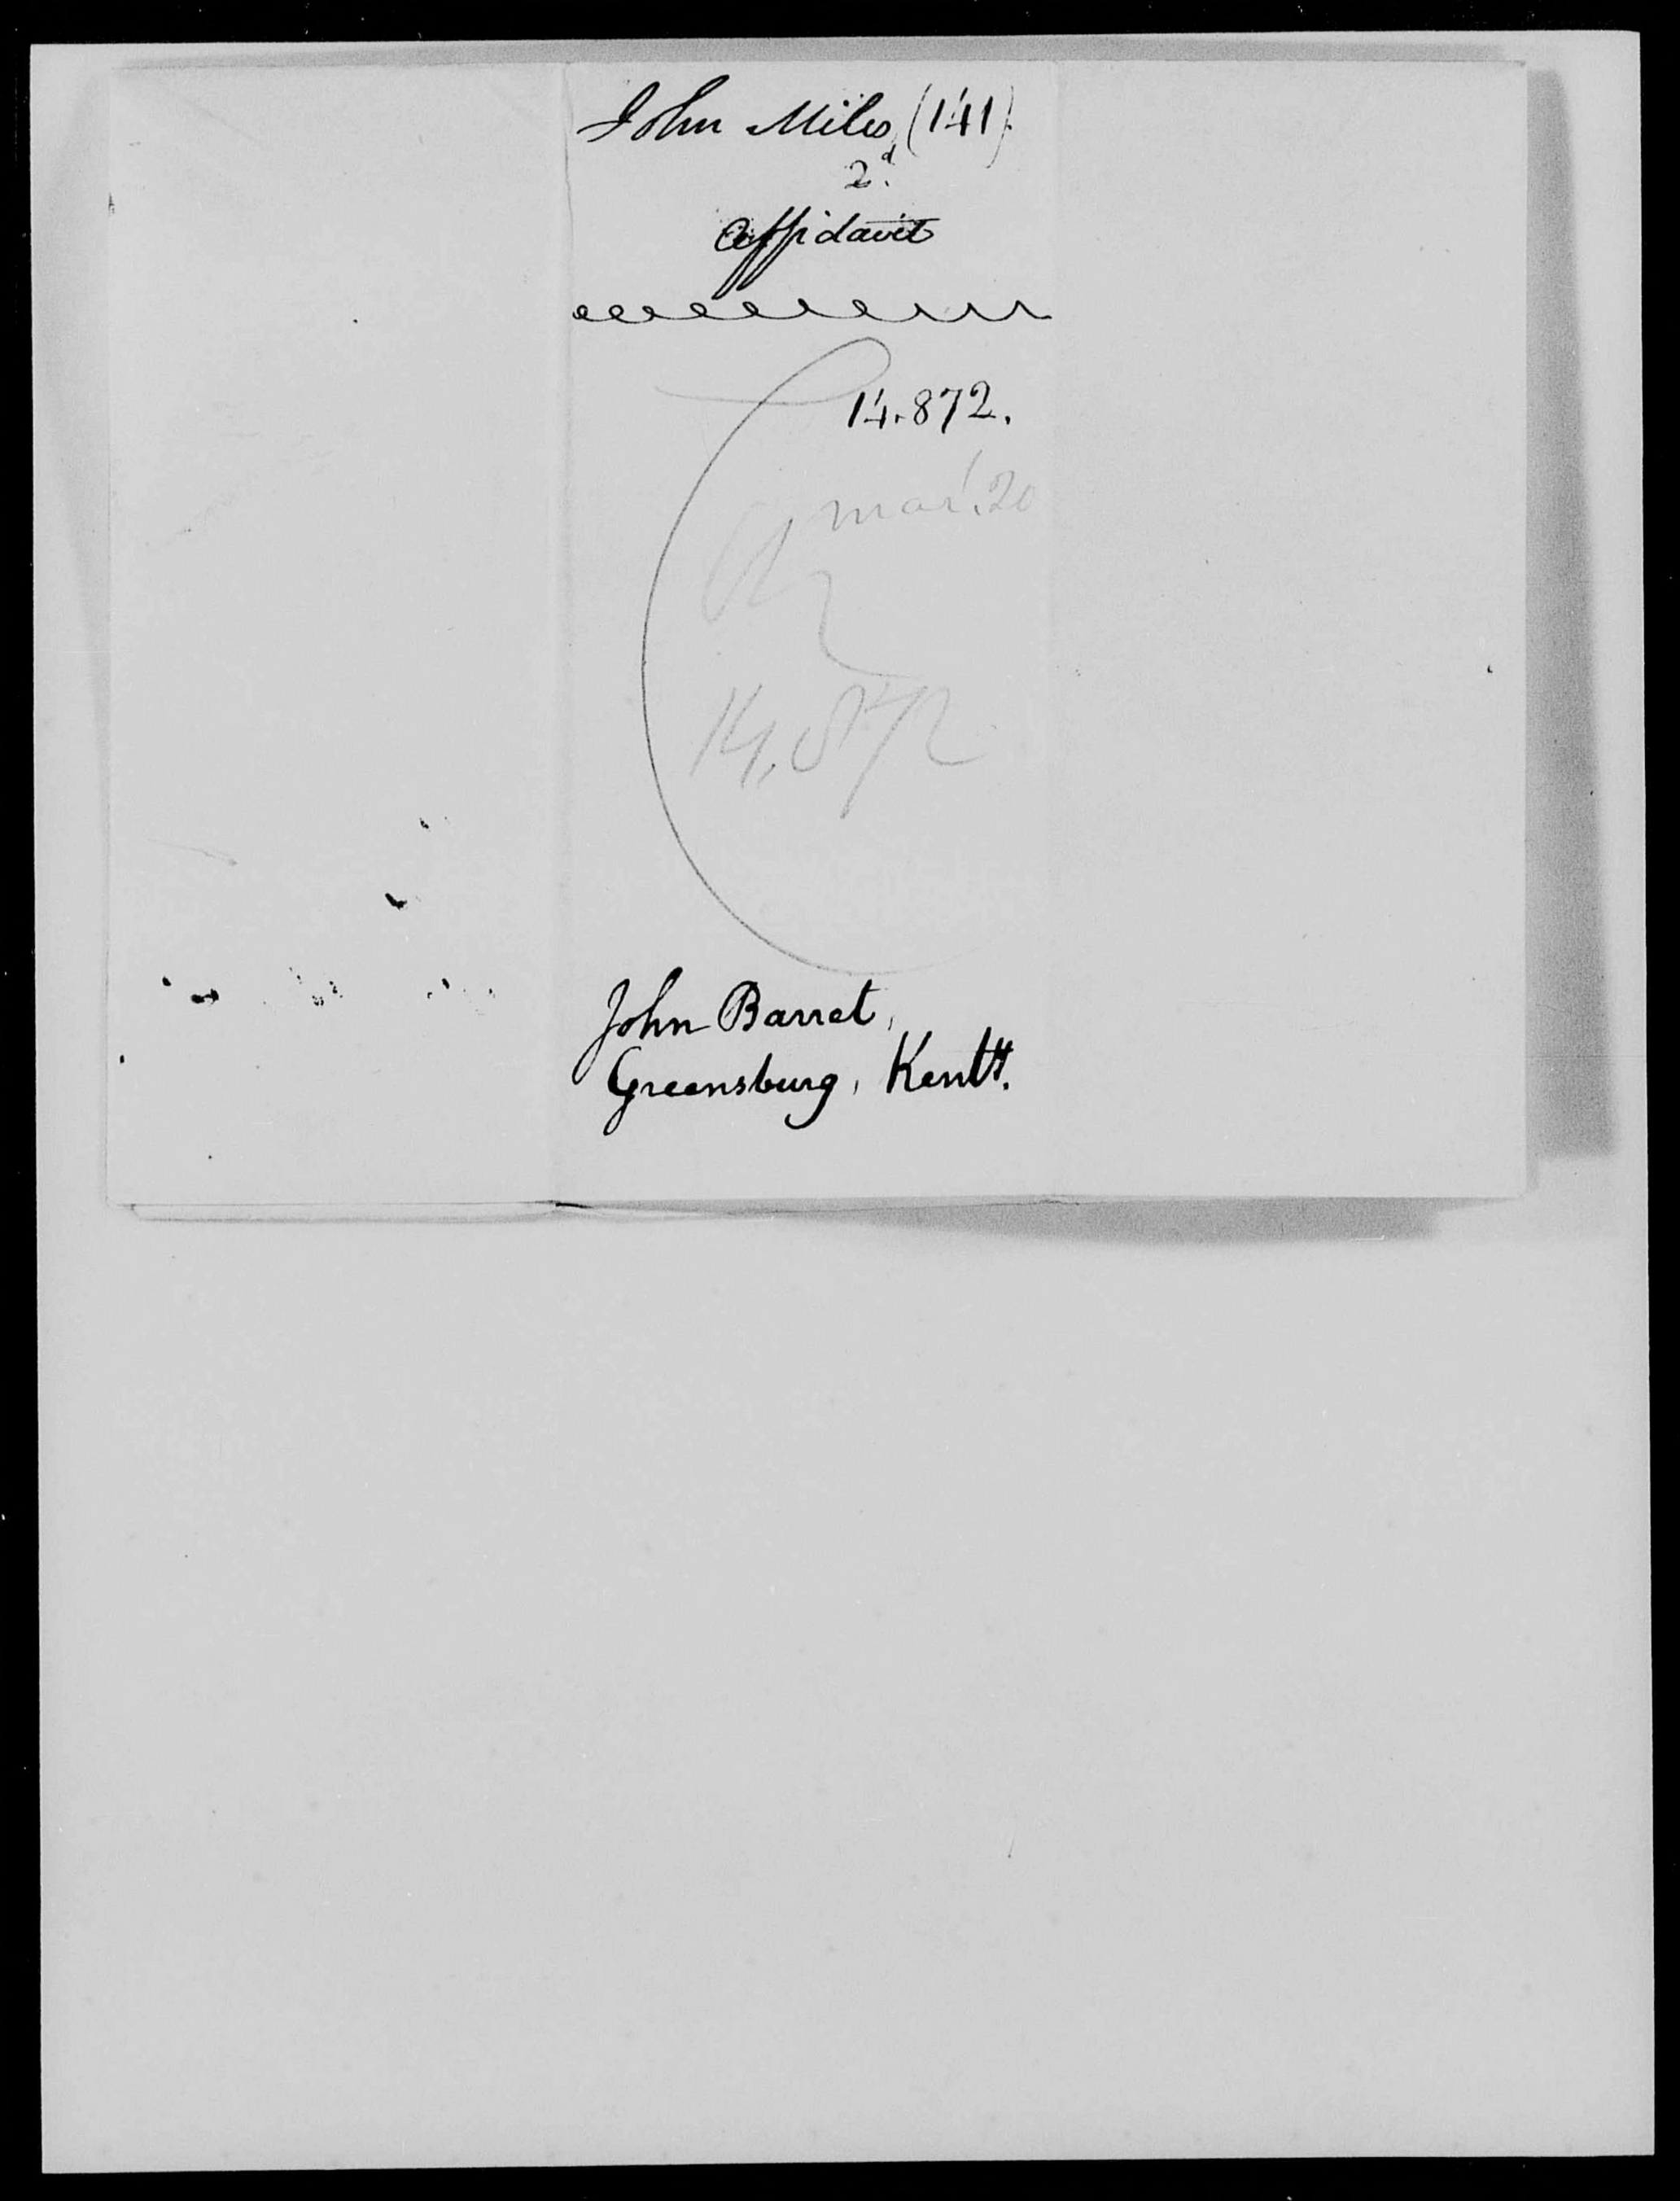John Miles (141)
2d
Affidavit

14,872
Mar '20

14872

John Barret
Greensburg, Kentucky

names: John Barret; John Miles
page: 3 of 24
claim: survivor's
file: S 36138, for John Miles, Maryland